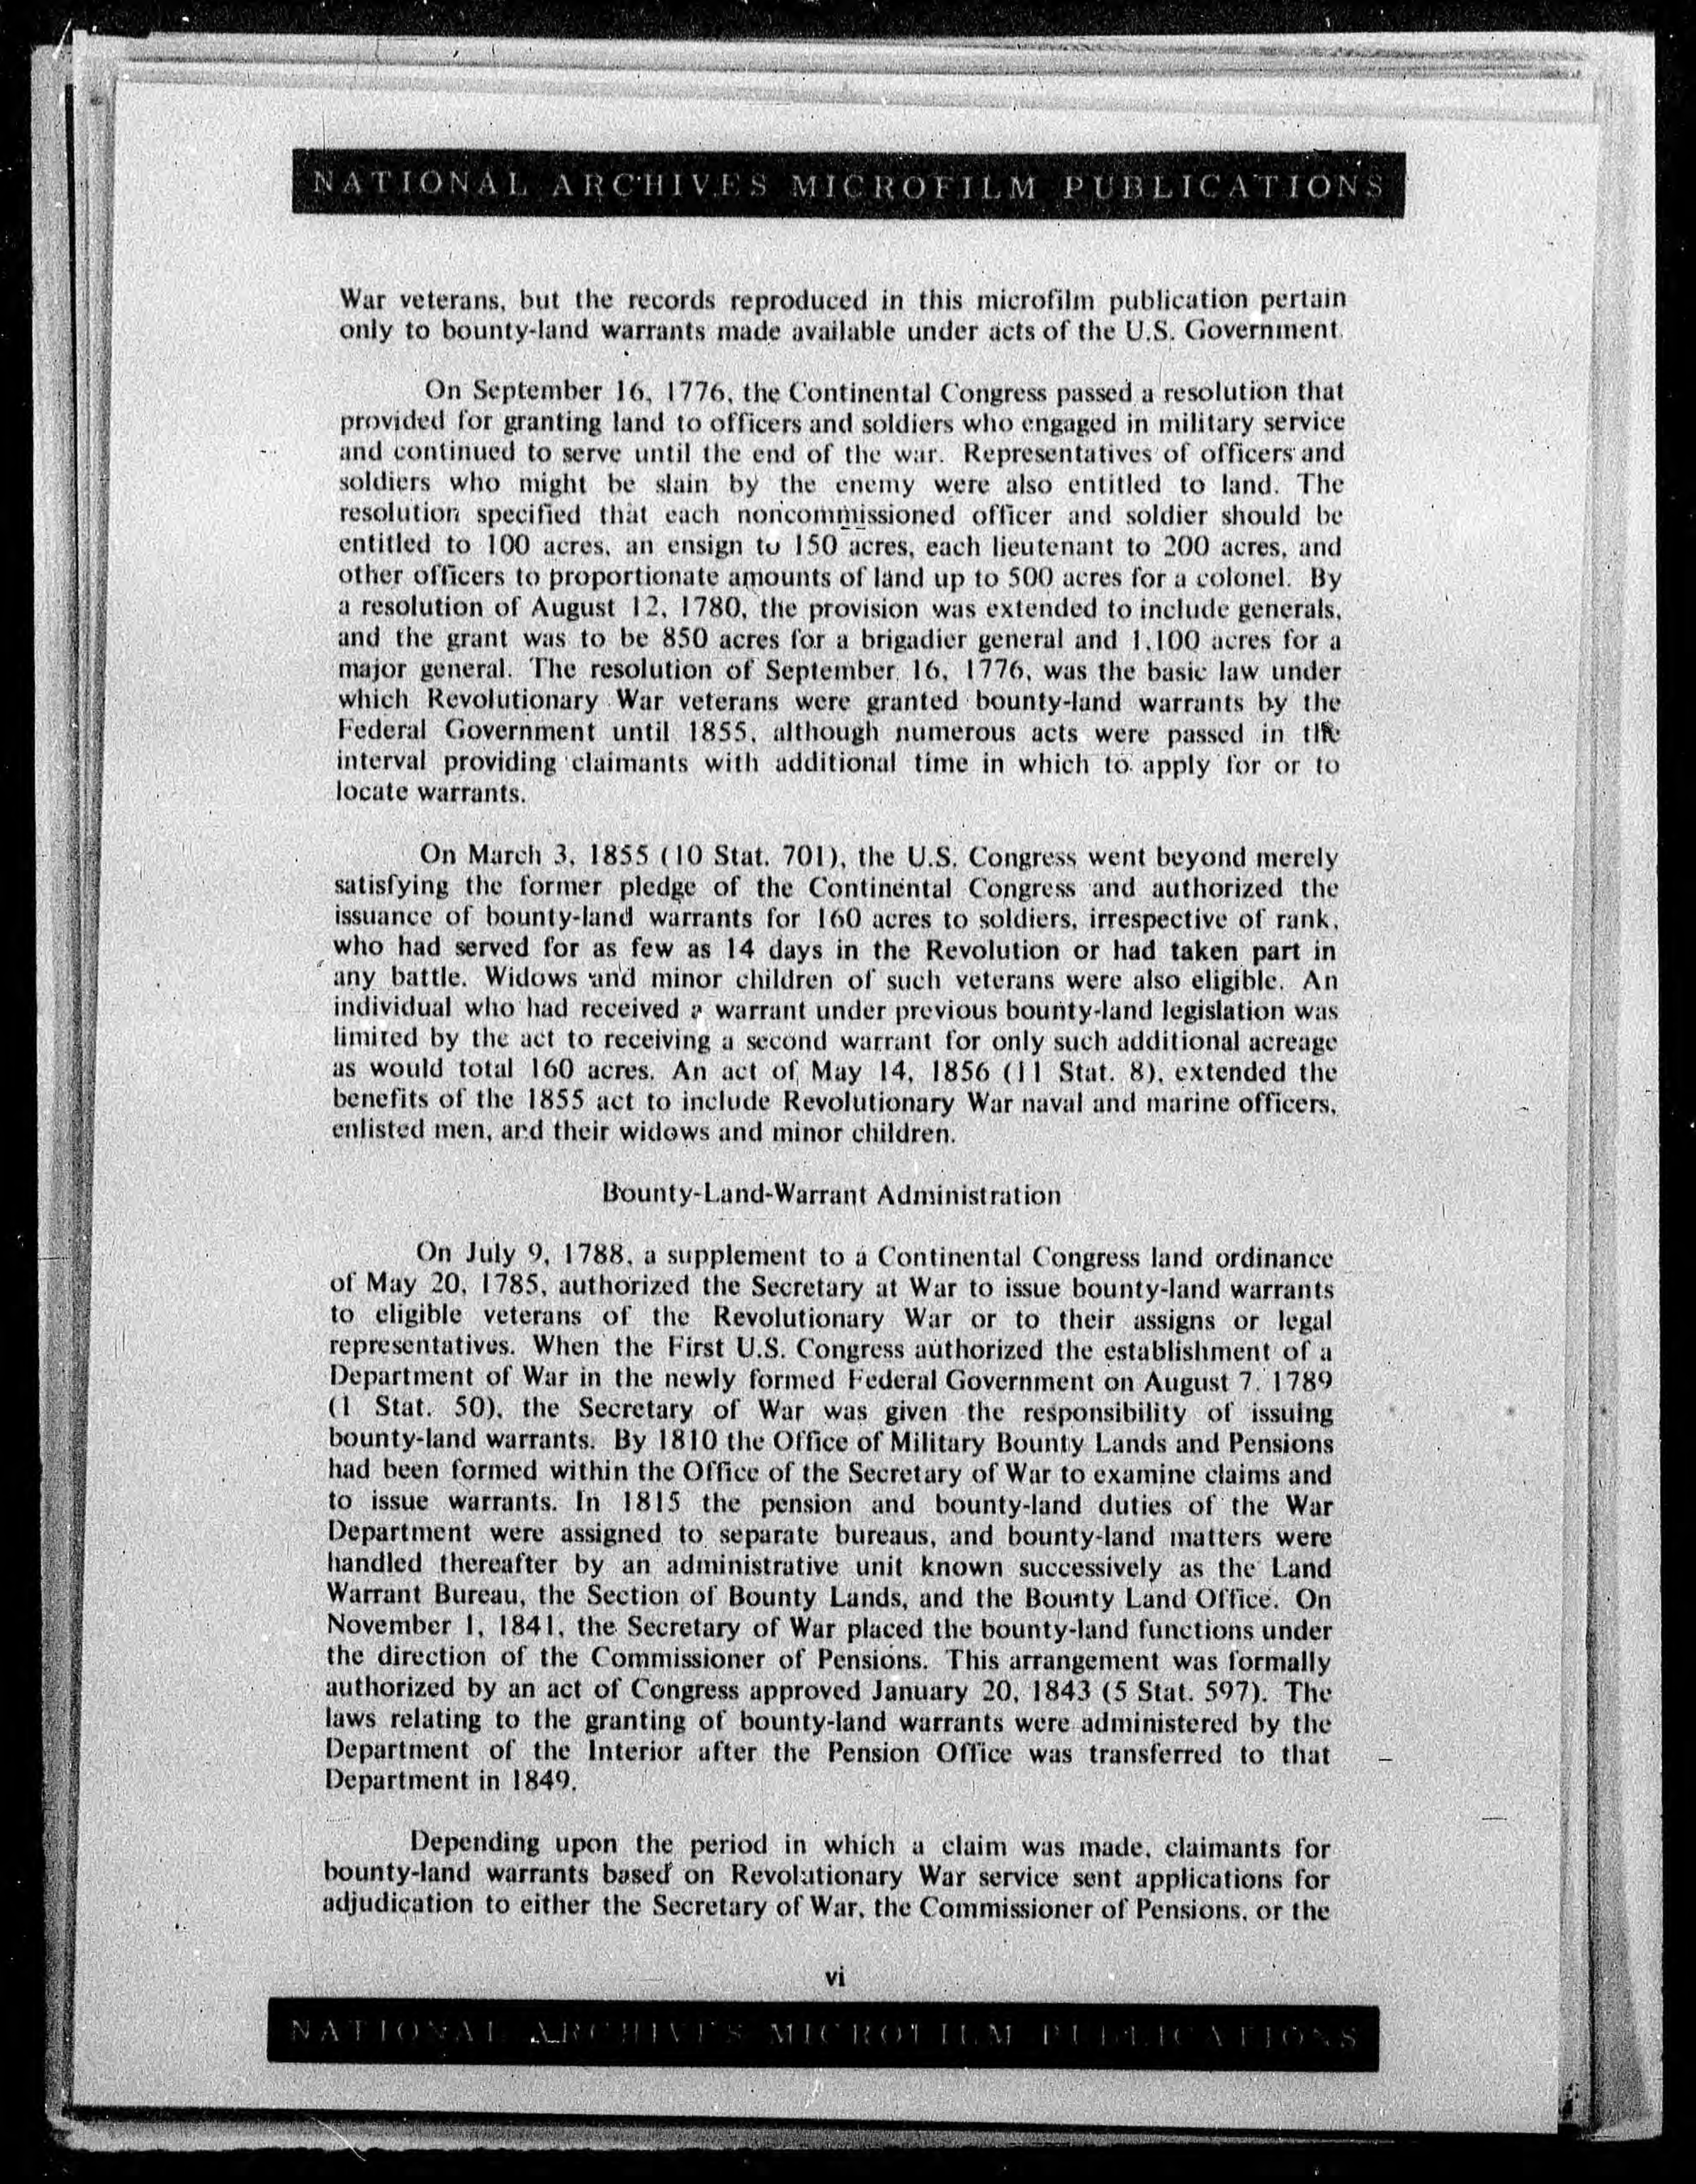War veterans, but the records reproduced in this microfilm publication pertain only to bounty-land warrants made available under acts of the U.S. Government.
On September 16, 1776, the Continental Congress passed a resolution that provided for granting land to officers and soldiers who engaged in military service and continued to serve until the end of the war. Representatives of officers and soldiers who might be slain by the enemy were also entitled to land. The resolution specified that each noncommissioned officer and soldier should be entitled to 100 acres, an ensign 10 150 acres, each lieutenant to 200 acres, and other officers to proportionate amounts of land up to 500 acres for a colonel. Bu a resolution of August 12, 1780, the provision was extended to include generals, and the grant was to be 850 acres for a brigadier general and 1,100 acres for a major general. The resolution of September 16, 1776, was the basic law under which Revolutionary War veterans were granted bounty-land warrants by the Federal Government until 1855, although numerous acts were passed in the interval providing claimants with additional time in which to apply for or to locate warrants.
Bounty-Land-Administration
On July 9, 1788, a supplement to a Continental Congress land ordinance of May 20, 1795, authorized the Secretary at War to issue bounty-land warrants to eligible veterans of the Revolutionary War to issue bounty-land warrants to eligible veterans of the Revolutionary War or to their assigns or legal representatives. When the Forst U.S. Congress authorized the establishment of a Department of War in the newly formed Federal Government on August 7, 1789 (1 Stat. 50), the Secretary of War was given the responsibility of issuing bounty-land warrants. By 1810 the office of Military Bounty Lands and Pensions had been formed within the Office of the Secretary of War to examine claims and to issue warrants. In 1815 the pension and bounty-land duties of the War Department were assigned to separate bureaus, and bounty-land matters were handled thereafter by an administrative unit known successively as the Land Warrant Bureau, the Section of Bounty Lands, and the Bounty land Office. On November 1, 1841, the Secretary of War placed the bounty-land functions under the direction of the Commissioner of Pensions. This arrangement was formally authorized by an act of Congress approved January 20, 1843 (5 Stat. 597). the laws relating to the granting of bounty-lands warrants were administered by the Department of the Interior after the Pension Office was transferred to the Department in 1849.
Depending upon the period in which a claim was made, claimants for bounty-land warrants based on Revolutionary War service sent applications for adjudication to wither the Secretary of War, the Commissioner of Pensions, or the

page: 5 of 59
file: Revolutionary War Pension and Bounty Land Warrant Application File